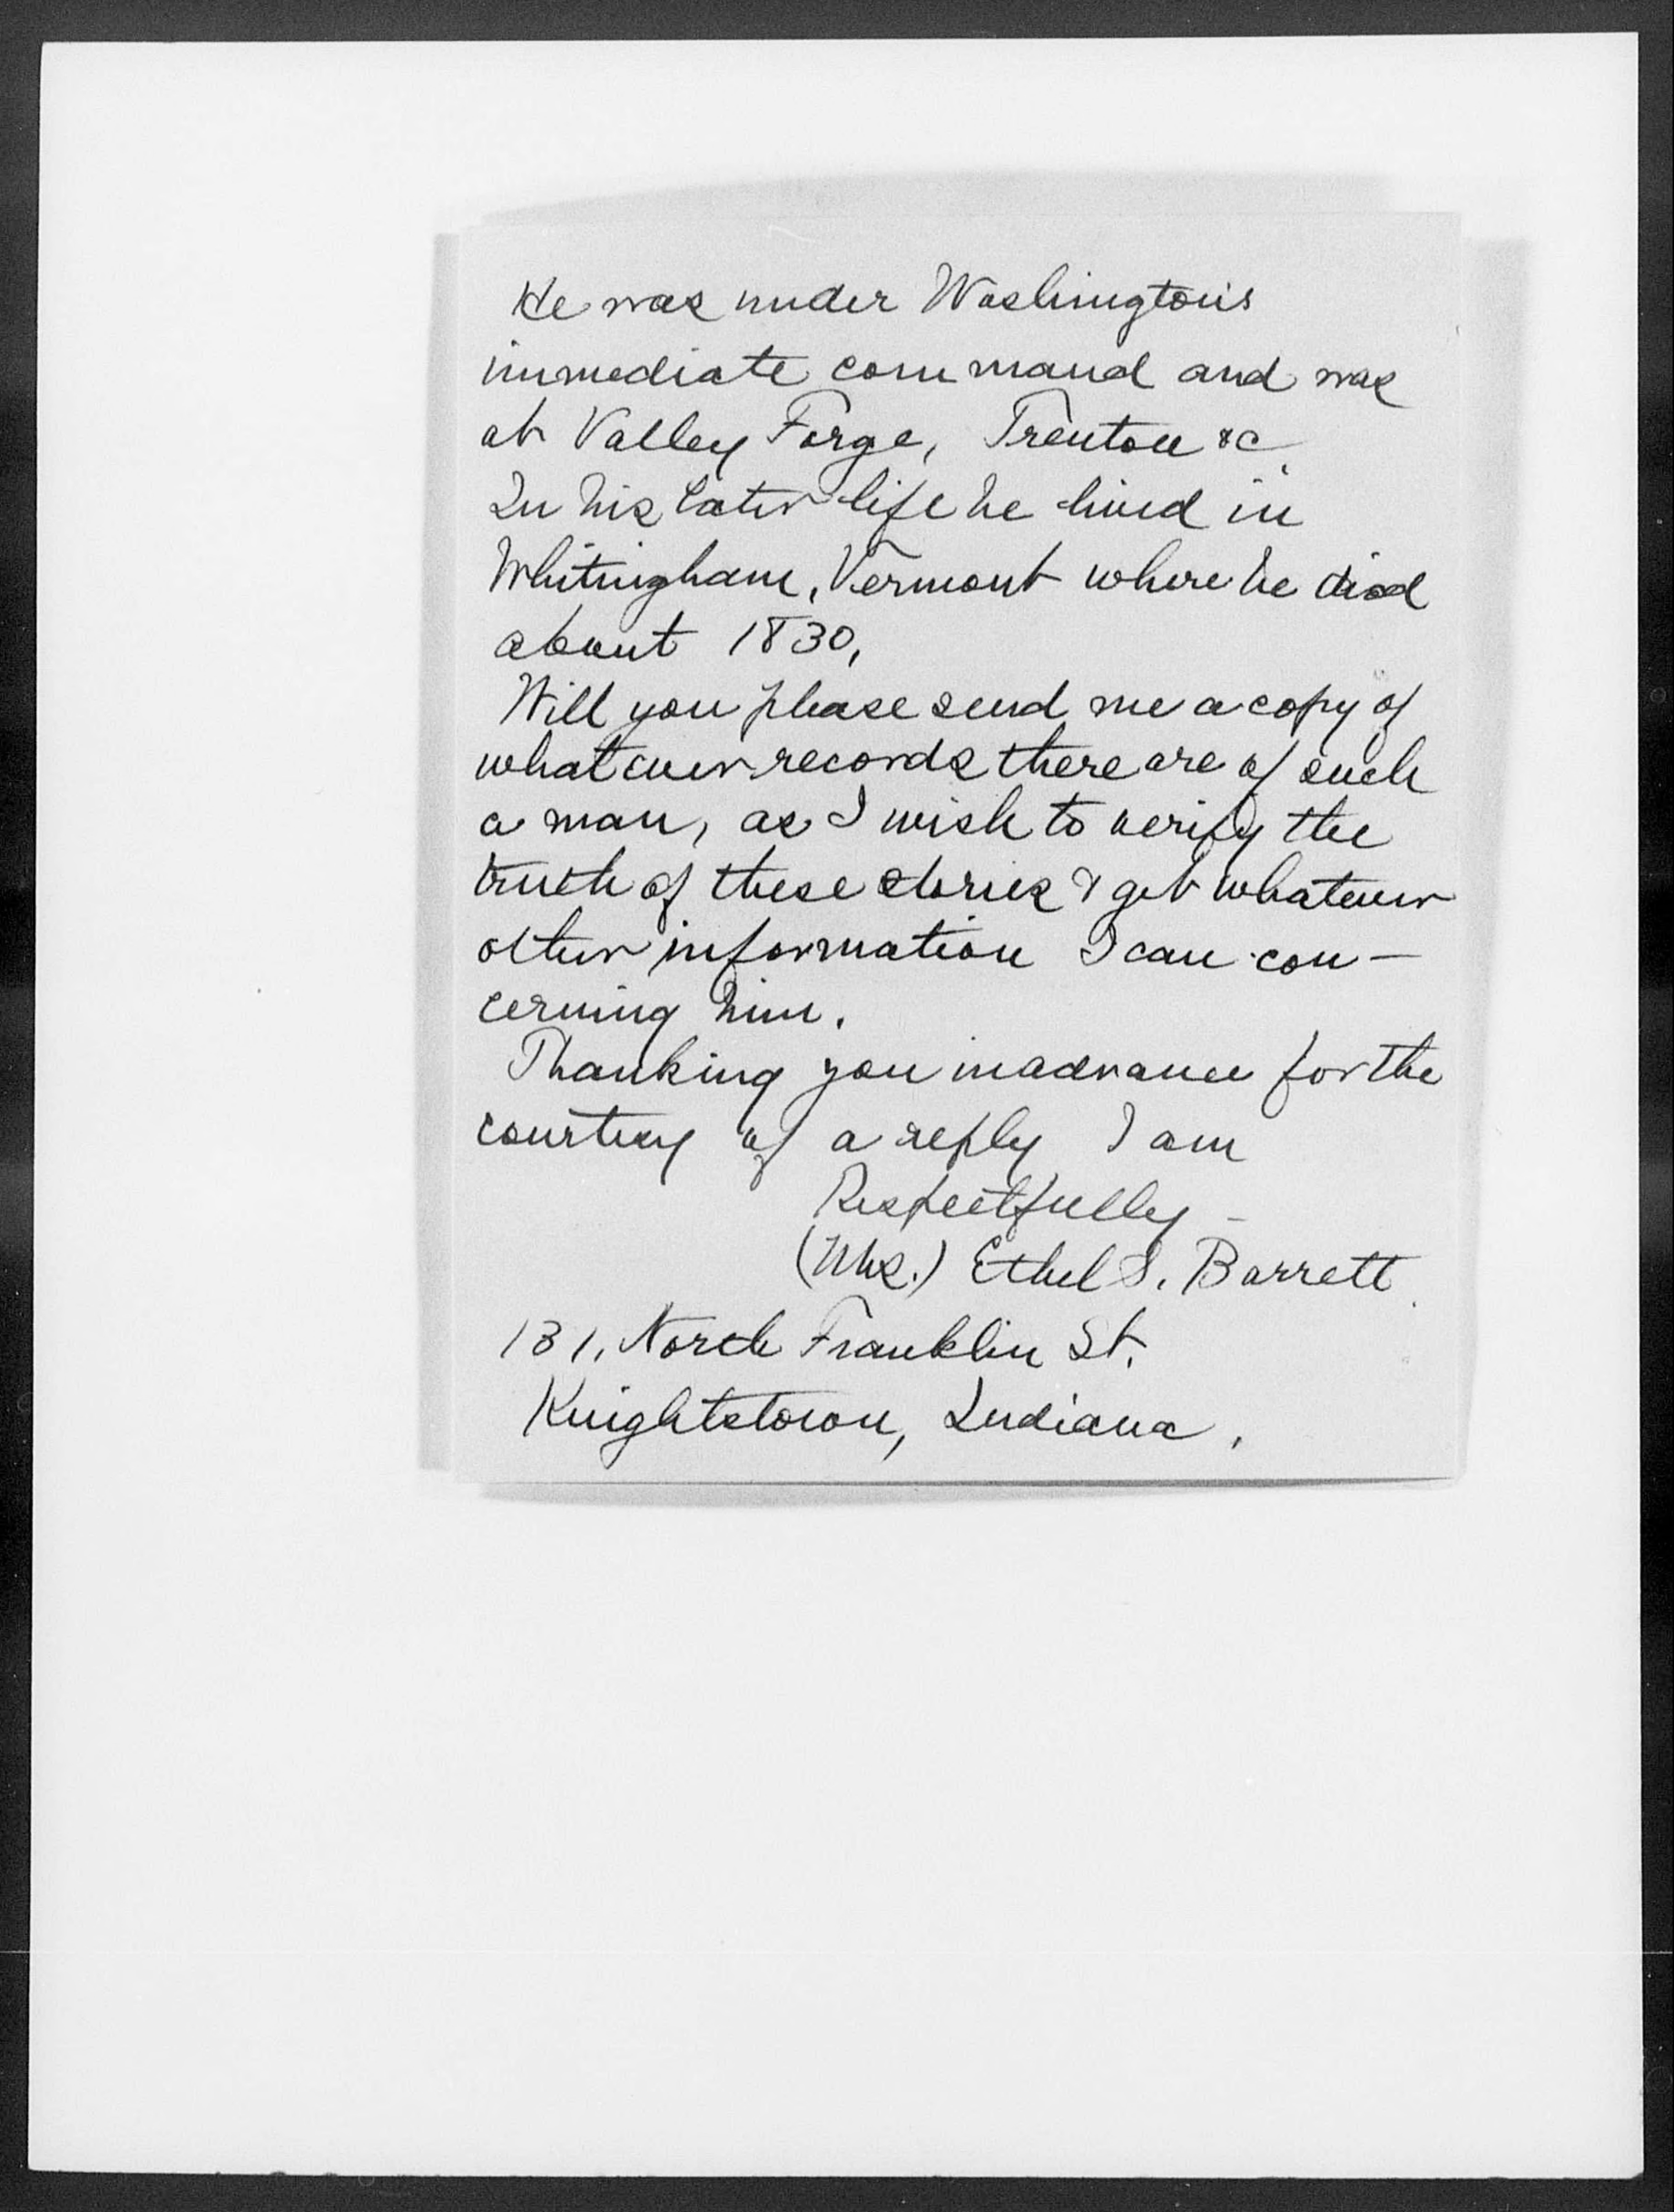He was under Washington's immediate command and was at Valley Forge, Trenton and etc.  In his later life he lived in Whitingham, Vermont where he died about 1830.
Will you please send me a copy of whatever records there are of such a man, as I wish to verily the truth of these stories and get whatever other information I can concerning him.
Thanking you in advance for the courtesy of a reply I am,

Respectfully,

(Mrs.) Ethel S. Barrett

131 North Franklin St.
Knightstown, Indiana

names: Ethel S Barrett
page: 16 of 16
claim: survivor's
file: S. 44371, Joseph Carley, New York.